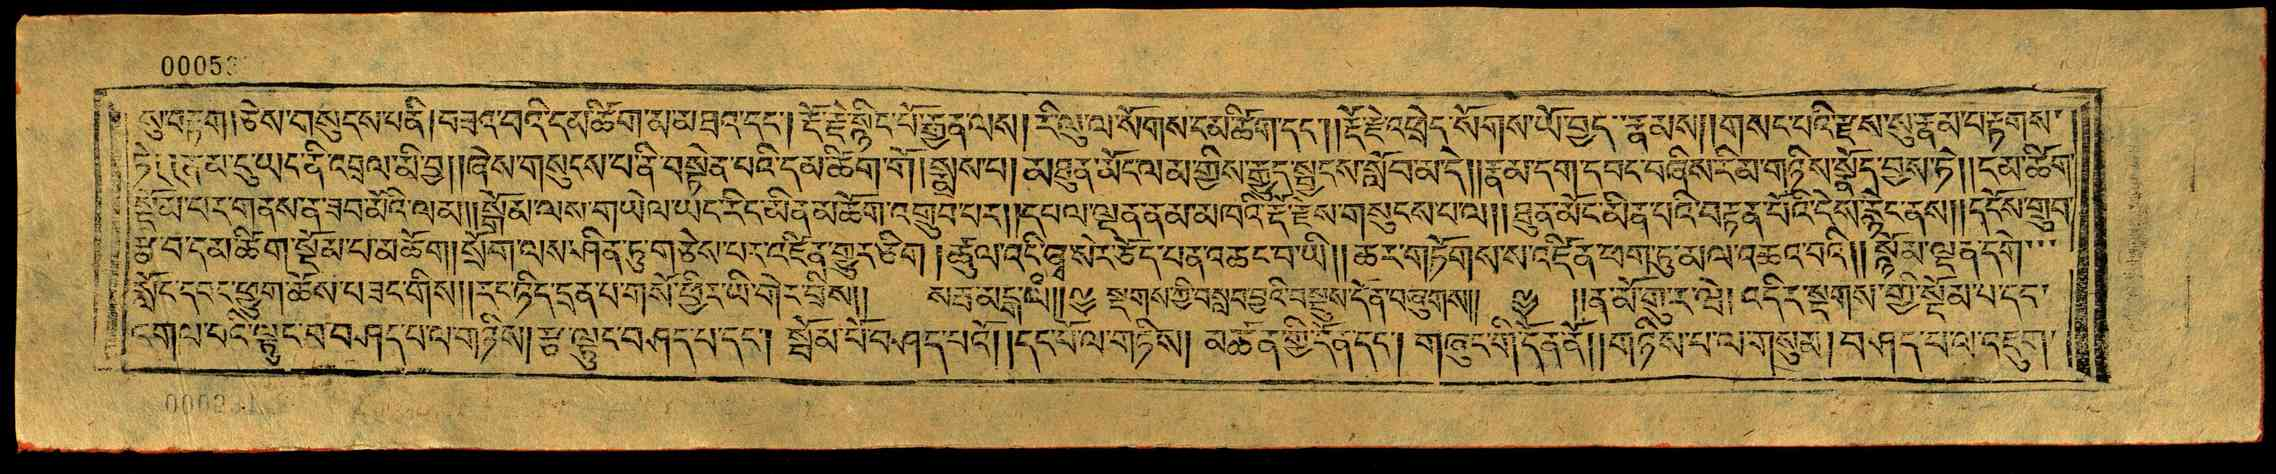སུ་བརྟག །ཅེས་གསུངས་པ་ནི། བཟའ་བའི་དམ་ཚིག་མ་མཐའ་དང་། རྡོ་རྗེ་སྙིང་པོ་རྒྱན་ལས། རི་ལུ་ལ་སོགས་དམ་ཚིག་དང་། །རྡོ་རྗེ་འཕྲེང་སོགས་ཡོ་བྱད་རྣམས། །གསང་བའི་རྫས་སུ་རྣམ་བརྟགས་
ཏེ། །ཅམ་དུ་ཡང་ནི་འབྲལ་མི་བྱ། །ཞེས་གསུངས་པ་ནི་བསྟེན་པའི་དམ་ཚིག་གོ །སྨྲས་པ། མཐུན་མོང་ལམ་གྱིས་རྒྱུད་སྦྱངས་སློབ་མ་དེ། །རྣམ་དག་དབང་བཞིས་རིམ་གཉིས་སྣོད་བྱས་ཏེ། །དམ་ཚིག་
སྡོམ་པར་གནས་ན་ཟབ་མོའི་ལམ། །སྒོམ་ལས་གཡེལ་ཡང་རིང་མིན་མཆོག་འགྲུབ་པར། །དཔལ་ལྡན་ནམ་མཁའི་རྡོ་རྗེས་གསུངས་པ་ལ། །ཐུན་མོང་མིན་པའི་བརྟན་པོའི་དེས་རྙེད་ནས། །དངོས་གྲུབ་
རྩ་བ་དམ་ཚིག་སྡོམ་པ་མཆོག །སྲོག་ལས་ཤིན་ཏུ་གཅས་པར་འཛིན་གྱུར་ཅིག །ཚུལ་འདི་ཞྭ་སེར་ཅོད་པན་འཆང་བ་ཡི། །ཆར་གཏོགས་ས་འཛིན་ཕག་ཏུ་མལ་འཆའ་བའི། །སྙོམ་ལྡན་དགེ་
སློང་དབང་ཕྱུག་ཆོས་བཟང་གིས། །རང་ཉིད་དྲན་པ་གསོ་ཕྱིར་ཡི་གེར་བྲིས།། སརྦ་མངྒ་ལ། ། ༈ སྔགས་ཀྱི་བསླབ་བྱའི་བསྡུས་དོན་བཞུགས།།  ༈ །།ན་མོ་གུ་ར་ཝེ། འདིར་སྔགས་ཀྱི་སྡོམ་པ་དང་
འགལ་བའི་ལྟུང་བ་བཤད་པ་ལ་གཉིས། རྩ་ལྟུང་བཤད་པ་དང་། སྦོམ་པོ་བཤད་པའོ། །དང་པོ་ལ་གཉིས། མཚན་གྱི་དོན་དང་། གཞུང་གི་དོན་ནོ། །གཉིས་པ་ལ་གསུམ། བཤད་པ་ལ་འཇུག་